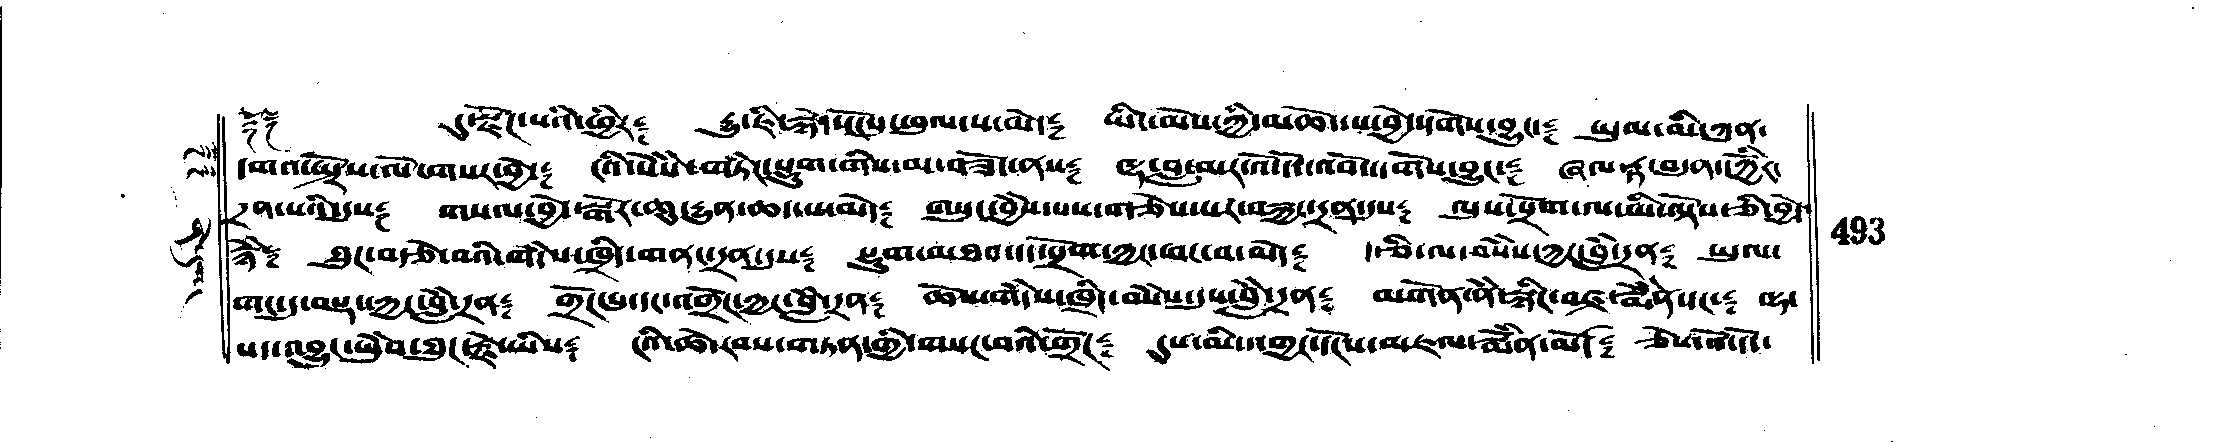དུ་རྫོགས་པའི་ཕྱིར། །རྒྱུ་ཇི་སྙེད་དངོས་སུ་ཕུལ་ས་མེད། །ཡིད་མོས་ཀྱི་མཆོད་པ་བྱེད་དགོས་བྱུང་། །ཡུལ་མི་ཀུན་
དགའ་སྤྲོས་ལོ་གསར་བྱེད། །ངའི་སེམས་གཏིང་སྡུག་གིས་མ་བཟོད་ནས། །ལྷ་བླ་མར་འོ་དོད་འབོད་དགོས་བྱུང་། །ཞལ་རྟ་བདུན་དཀྱིལ་འཁོར་
དྲན་པའི་དུས། །གསལ་བྱེད་སྒོར་ཆུ་རྒྱུན་ཆད་པ་མེད། །གསུང་བྱམས་པས་གཅེས་པར་བསྐྱང་དྲན་དུས། །ལུས་སྲོག་ལ་མི་ལྟོས་ཅི་བྱེད་
སྙམ། །ཐུགས་བརྩེ་བའི་གདམས་ཁྲིད་གནང་དྲན་དུས། །སྡུག་མཐའ་དང་སྲོག་ཀྱང་ཕང་བ་མེད། །ད་ཅི་ལ་བསམ་ཀྱང་བླ་མ་དྲན། །ཡུལ་
གང་དུ་བསྡད་ཀྱང་བླ་མ་དྲན། །གྲོགས་སུ་དང་འགྲོགས་ཀྱང་བླ་མ་དྲན། །ཆོས་གདམས་ཁྲིད་བསམ་དུས་བླ་མ་དྲན། །མགོན་ནམ་སྙིང་བཛྲ་སྨོན་ལམ་དང་། །ལྷ་
པད་འབྱུང་ཡབ་ཡུམ་ཐུགས་རྗེ་ཡིས། །ངའི་ཚེ་རབས་གཏན་གྱི་གསང་བའི་གྲོགས། །དུས་མི་འགྱང་དངོས་མཇལ་སྨོན་ལམ་མཛོད། །ཅེས་འོ་དོད་